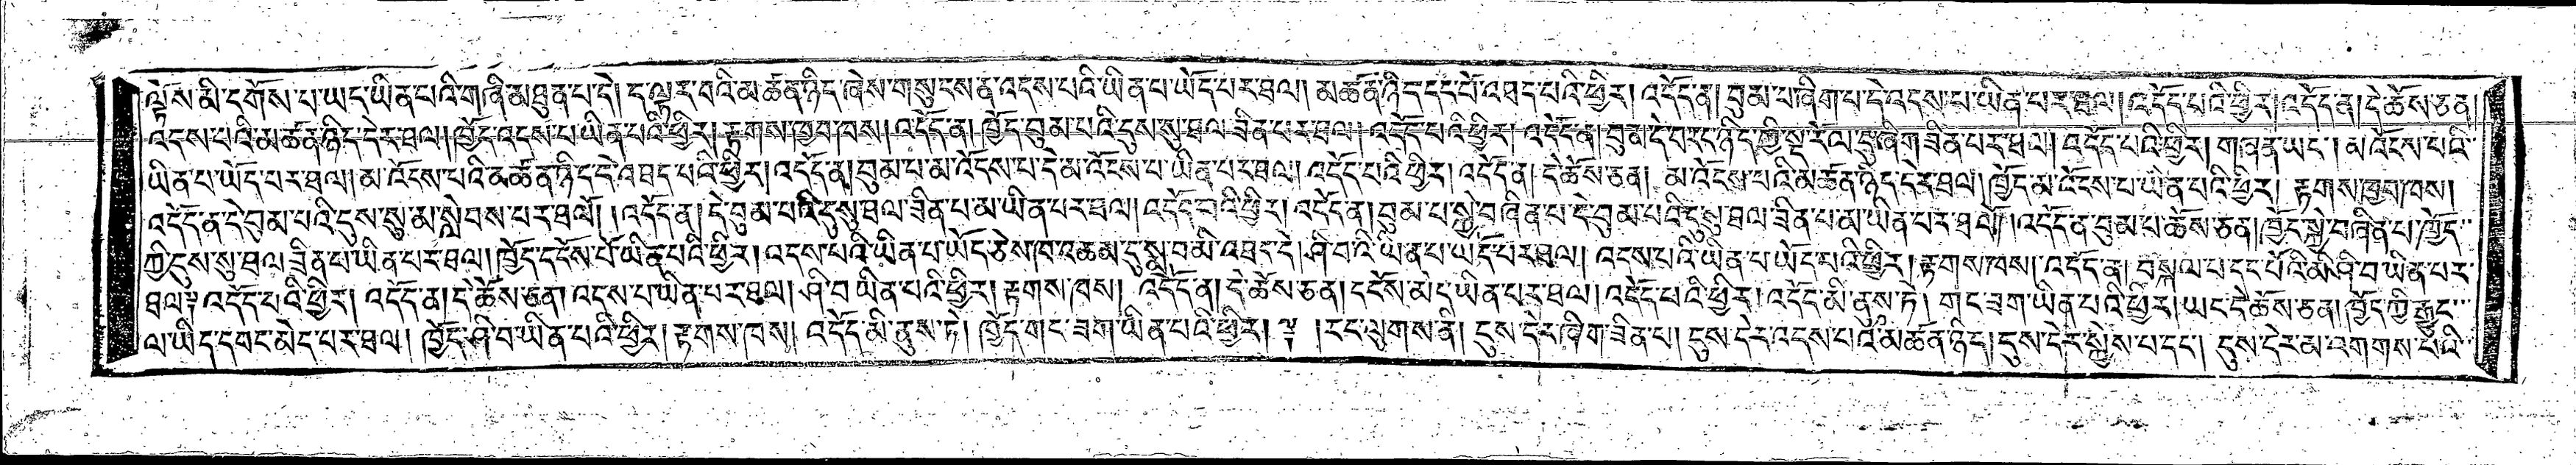ལྟོས་མི་དགོས་པ་ཡང་ཡིན་པའི་གཞི་མཐུན་པ་དེ། ད་ལྟར་བའི་མཚན་ཉིད་ཞེས་གསུངས་ན་འདས་པའི་ཡིན་པ་ཡོད་པར་ཐལ། མཚན་ཉིད་དང་པོ་འཐད་པའི་ཕྱིར། འདོད་ན། བུམ་པ་ཞིག་པ་དེ་འདས་པ་ཡིན་པར་ཐལ། འདོད་པའི་ཕྱིར། འདོད་ན། དེ་ཆོས་ཅན།
འདས་པའི་མཚན་ཉིད་དེར་ཐལ། ཁྱོད་འདས་པ་ཡིན་པའི་ཕྱིར། རྟགས་ཁྱབ་ཁས། འདོད་ན། ཁྱོད་བུམ་པའི་དུས་སུ་ཐལ་ཟིན་པར་ཐལ། འདོད་པའི་ཕྱིར། འདོད་ན། བུམ་པ་དེ་རང་ཉིད་ཀྱི་སྔ་རོལ་དུ་ཞིག་ཟིན་པར་ཐལ། འདོད་པའི་ཕྱིར། གཞན་ཡང་། མ་འོངས་པའི་
ཡིན་པ་ཡོད་པར་ཐལ། མ་འོངས་པའི་མཚན་ཉིད་དེ་འཐད་པའི་ཕྱིར། འདོད་ན། བུམ་པ་མ་འོངས་པ་དེ་མ་འོངས་པ་ཡིན་པར་ཐལ། འདོད་པའི་ཕྱིར། འདོད་ན། དེ་ཆོས་ཅན། མ་འོངས་པའི་མཚན་ཉིད་དེར་ཐལ། ཁྱོད་མ་འོངས་པ་ཡིན་པའི་ཕྱིར། རྟགས་ཁྱབ་ཁས།
འདོད་ན་དེ་བུམ་པའི་དུས་སུ་མ་སླེབས་པར་ཐལ་ལོ། །འདོད་ན། དེ་བུམ་པའི་དུས་སུ་ཐལ་ཟིན་པ་མ་ཡིན་པར་ཐལ། འདོད་པའི་ཕྱིར། འདོད་ན། བུམ་པ་སྐྱེ་བཞིན་པ་དེ་བུམ་པའི་དུས་སུ་ཐལ་ཟིན་པ་མ་ཡིན་པར་ཐལ་ལོ། །འདོད་ན་བུམ་པ་ཆོས་ཅན། ཁྱོད་སྐྱེ་བཞིན་པ་ཁྱོད་
ཀྱི་དུས་སུ་ཐལ་ཟིན་པ་ཡིན་པར་ཐལ། ཁྱོད་དངོས་པོ་ཡིན་པའི་ཕྱིར། འདས་པའི་ཡིན་པ་ཡོད་ཅེས་ཁ་འཆམ་དུ་སྨྲ་བ་མི་འཐད་དེ། ཤི་བའི་ཡིན་པ་ཡོད་པར་ཐལ། འདས་པའི་ཡིན་པ་ཡོད་པའི་ཕྱིར། རྟགས་ཁས། འདོད་ན། བསྐལ་པ་དང་པོའི་མི་ཤི་བ་ཡིན་པར་
ཐལ༑ འདོད་པའི་ཕྱིར། འདོད་ན། དེ་ཆོས་ཅན། འདས་པ་ཡིན་པར་ཐལ། ཤི་བ་ཡིན་པའི་ཕྱིར། རྟགས་ཁས། འདོད་ན། དེ་ཆོས་ཅན། དངོས་མེད་ཡིན་པར་ཐལ། འདོད་པའི་ཕྱིར། འདོད་མི་ནུས་ཏེ། གང་ཟག་ཡིན་པའི་ཕྱིར། ཡང་དེ་ཆོས་ཅན། ཁྱོད་ཀྱི་རྒྱུད་
ལ་ཡི་དབང་མེད་པར་ཐལ། ཁྱོད་ཤི་བ་ཡིན་པའི་ཕྱིར། རྟགས་ཁས། འདོད་མི་ནུས་ཏེ། ཁྱོད་གང་ཟག་ཡིན་པའི་ཕྱིར། ༈ །རང་ལུགས་ནི། དུས་དེར་ཞིག་ཟིན་པ། དུས་དེར་འདས་པའི་མཚན་ཉིད། དུས་དེར་སྐྱེས་པ་དང་། དུས་དེར་མ་འགགས་པའི་